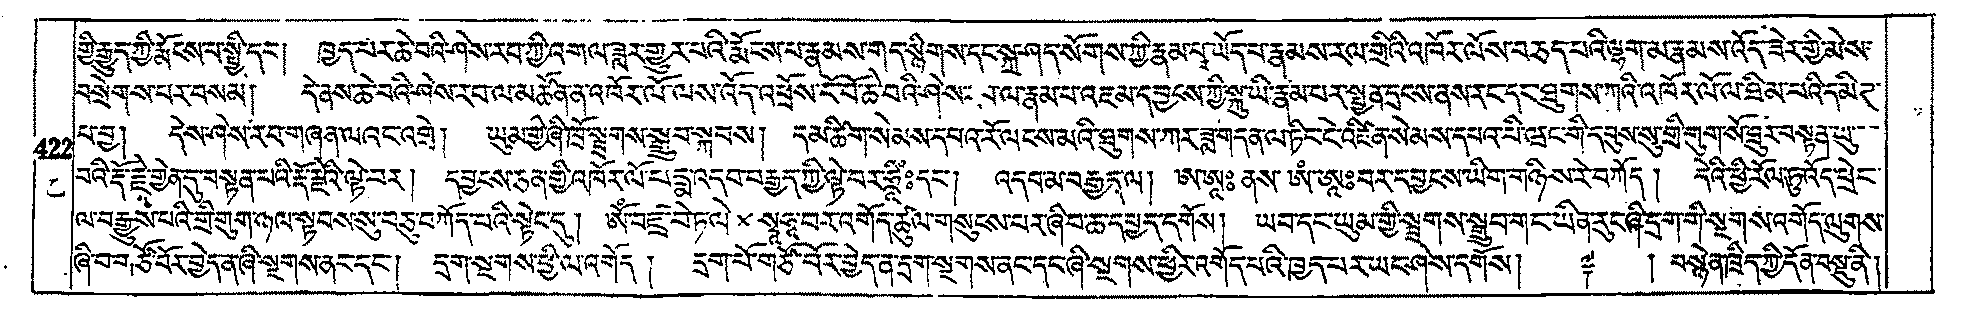གྱི་རྒྱུད་ཀྱི་རྨོངས་པ་སྤྱི་དང་། ཁྱད་པར་ཆེ་བའི་ཤེས་རབ་ཀྱི་འགལ་ཟླར་གྱུར་པའི་རྨོངས་པ་རྣམས་གད་སྙིགས་དང་སྐྲ་ཤད་སོགས་ཀྱི་རྣམ་པར་ཡོད་པ་རྣམས་རལ་གྲིའི་འཁོར་ལོས་བཅད་པའི་ལྷག་མ་རྣམས་འོད་ཟེར་གྱི་མེས་
བསྲེགས་པར་བསམ། དེ་ནས་ཆེ་བའི་ཤེས་རབ་ལ་མཚོན་ན་འཁོར་ལོ་ལས་འོད་འཕྲོས་ངོ་བོ་ཆེ་བའི་ཤེས་རབ་ལ་རྣམ་པ་འཇམ་དབྱངས་ཀྱི་སྐུ་ཡི་རྣམ་པར་སྤྱན་དྲངས་ནས་རང་དང་ཐུགས་ཀའི་འཁོར་ལོ་ལ་ཐིམ་པའི་དམིཌ་
པ་བྱ། དེས་ཤེས་རབ་གཞན་ལའང་འགྲེ། ཡུམ་གྱི་ཞི་ཁྲོ་སྦྲགས་སྒྲུབ་སྐབས། དམ་ཚིག་སེམས་དཔའ་རོ་ལངས་མའི་ཐུགས་ཀར་ཟླ་གདན་ལ་ཏིང་ངེ་འཛིན་སེམས་དཔའ་པི་ཝང་གི་དབུས་སུ་གྲི་གུག་སོ་ཐུར་བསྟན་ཡུ་་་
བའི་རྡོ་རྗེ་གྱེན་དུ་བསྟན་པའི་རྡོ་རྗེའི་ལྟེ་བར། དབྱངས་ཅན་གྱི་འཁོར་ལོ་པདམ་འདབ་བརྒྱད་ཀྱི་ལྟེ་བར་ཧྲཱིཾཿདང་། འདབ་མ་བརྒྱད་ལ། ཨ་ཨཱཿནས་ཨཾ་ཨཱཿབར་དབྱངས་ཡིག་གཉིས་རེ་བཀོད། དེའི་ཕྱི་རོལ་ཏུ་འོད་ཕྲེང་་་
ལ་བརྒྱུས་པའི་གྲི་གུག་ཉལ་སྟབས་སུ་བཅུ་བཀོད་པའི་སྟེང་དུ། ཨོཾ་བཛྲ་བེ་ཏ་ལེ་྾་སྭཱཧཱ་བར་འགོད་ཚུལ་གསུངས་པར་ཞིབ་ཆ་དཔྱད་དགོས། ཡབ་དང་ཡུམ་གྱི་སྦྲགས་སྒྲུབ་གང་ཡིན་རུང་ཞི་དྲག་གི་སྔགས་འགོད་ལུགས་
ཞི་བ་གཙོ་བོར་བྱེད་ན་ཞི་སྔགས་ནང་དང་། དྲག་སྔགས་ཕྱི་ལ་འགོད། དྲག་པོ་གཙོ་བོར་བྱེད་ན་དྲག་སྔགས་ནང་དང་ཞི་སྔགས་ཕྱིར་འགོད་པའི་ཁྱད་པར་ཡང་ཤེས་དགོས། འ་།བསྙེན་ཁྲིད་ཀྱི་དོན་བསྡུ་ནི།